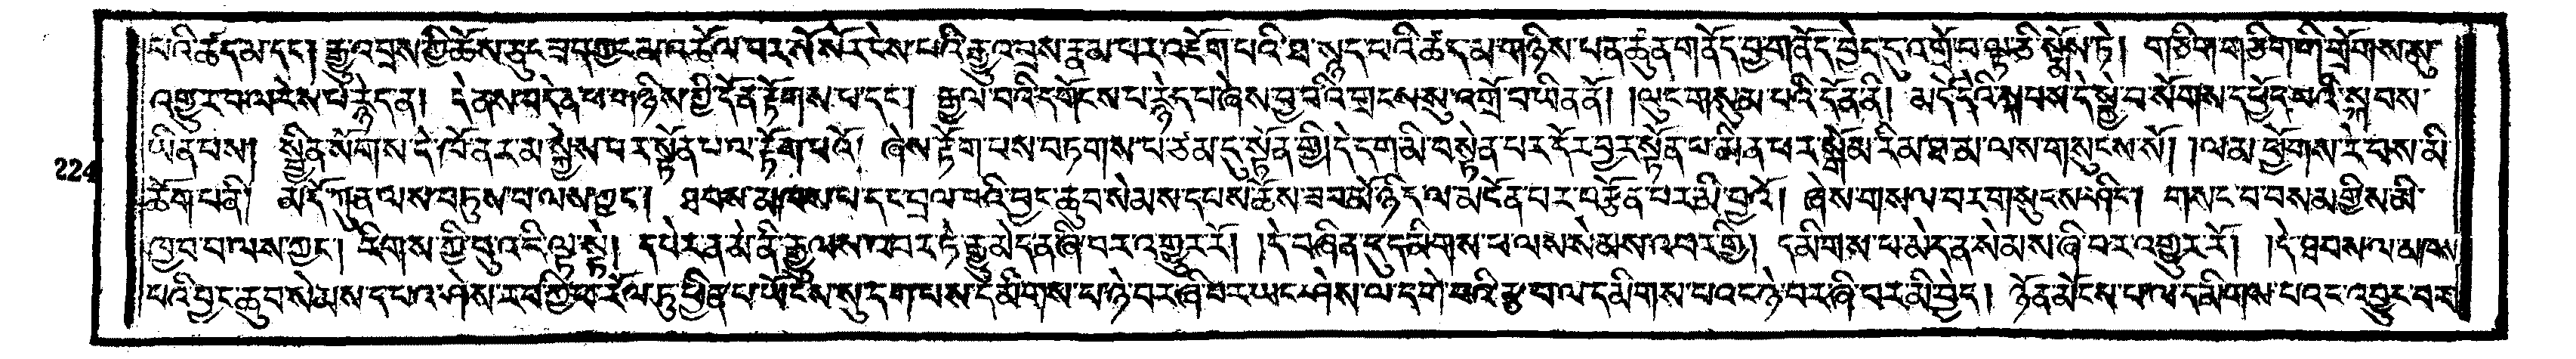པའི་ཚད་མ་དང་། རྒྱུ་འབྲས་ཀྱི་ཆོས་ཅུང་ཟད་ཀྱང་མ་འཆོལ་བར་སོ་སོར་ངེས་པའི་རྒྱུ་འབྲས་རྣམ་པར་འཇོག་པའི་ཐ་སྙད་པའི་ཚད་མ་གཉིས་པ་ན་ཚུན་གནོད་བྱ་གནོད་བྱེད་དུ་འགྲོ་བ་ལྟ་ཅི་སྨྲོས་ཏེ། གཅིག་གཅིག་གི་གྲོགས་སུ་
འགྱུར་བ་ལ་རེས་པ་རྙེད་ན། དེ་ནས་བདེན་ཕ་གཉིས་ཀྱི་དོན་རྟོགས་པ་དང་། རྒྱལ་བའི་དགོངས་པ་རྙེད་པ་ཞེས་བྱ་བའི་གྲངས་སུ་འགྲོ་བ་ཡིན་ནོ། །ལུང་གསུམ་པའི་དོན་ནི། མདོ་དེའི་སྐབས་དེ་སྐྱེ་བ་སོགས་དཔྱོད་པའི་སྐབས་
ཡིན་པས། སྦྱིན་སོགས་དེ་ཁོ་ནར་མ་སྐྱེས་བར་སྟོན་པ་ལ་རྟོག་པའོ། ཞེས་རྟོག་པས་བཏགས་པ་ཙམ་དུ་སྟོན་གྱི། དེ་དག་མི་བསྟེན་པར་དོར་བྱར་སྟོན་པ་མིན་ཕར་སྒོམ་རིམ་ཐ་མ་ལས་གསུངས་སོ། །ལམ་ཕྱོགས་རེ་བས་མི་
ཆོག་པ་ནི། མདོ་ཀུན་ལས་བཏུས་བ་ལས་ཀྱང་། ཐབས་མཁས་པ་དང་བྲལ་བའི་བྱང་ཆུབ་སེམས་དཔས་ཆོས་ཟབ་མོ་ཉིད་ལ་མངོན་པར་བརྩོན་པར་མི་བྱའོ། ཞེས་གསལ་བར་གསུངས་ཤིང་། གསང་བ་བསམ་གྱིས་མི་
ཁྱབ་པ་ལས་ཀྱང་། རིགས་ཀྱི་བུ་འདི་ལྟ་སྟེ། དཔེར་ན་མེ་ནི་རྒྱུ་ལས་འབར་ཏེ་རྒྱུ་མེད་ན་ཞི་བར་འགྱུར་རོ། །དེ་བཞིན་དུ་དམིགས་པ་ལས་སེམས་འབར་གྱི། དམིགས་པ་མེད་ན་སེམས་ཞི་བར་འགྱུར་རོ། །དེ་ཐབས་ལ་མཁས་
པའི་བྱང་ཆུབ་སེམས་དཔའ་ཤེས་རབ་ཀྱི་ཕ་རོལ་ཏུ་ཕྱིན་པ་ཡོངས་སུ་དག་པས་དམིགས་པ་ཉེ་བར་ཞི་བར་ཡང་ཤེས་ལ་དགེ་བའི་རྩ་བ་ལ་དམིགས་པའང་ཉེ་བར་ཞི་བར་མི་བྱེད། ཉོན་མོངས་པ་ལ་དམིགས་པའང་འབྱུང་བར་